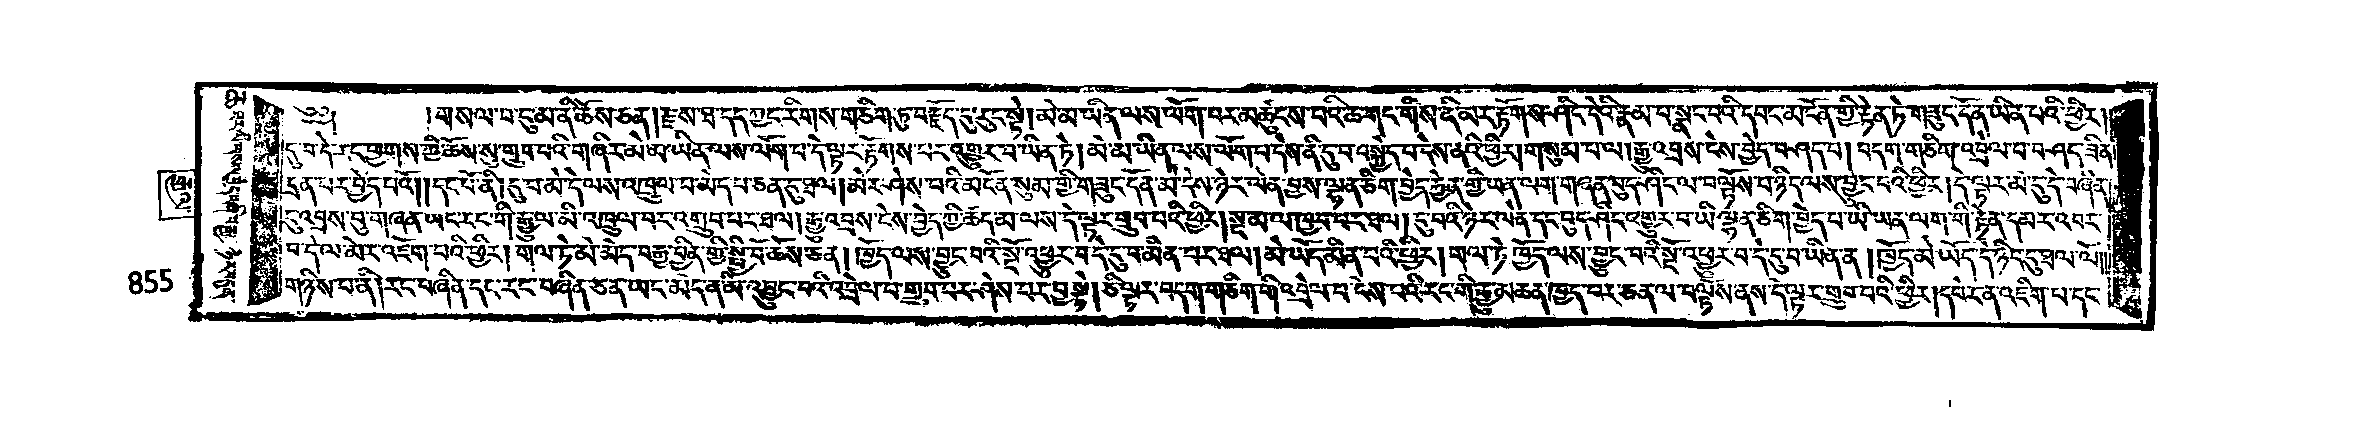༄༅། །གསལ་བ་དུ་མ་ནི་ཆོས་ཅན། རྫས་ཐ་དད་ཀྱང་རིགས་གཅིག་ཏུ་བརྗོད་དུ་རུང་སྟེ། མི་མ་ཡིན་ལས་ལོག་པར་མཚུངས་པའི་ཆ་གང་གིས་ནི་མར་རྟོགས་ཤིང་དེའི་རྣམ་པ་སྣང་བའི་དབང་མངོན་གྱི་རྟོགས་ཤིང་དེའི་རྣམ་པ་སྣང་བའི་དབང་མངོན་གྱི་རྟེན་ཏེ་གཟུང་དོན་ཡིན་པའི་ཕྱིར།
དུ་བ་དེ་རང་ཕྱོགས་ཀྱི་ཆོས་སུ་གྲུབ་པའི་གཞིར་མེ་མ་ཡིན་ལས་ལོག་པ་དེ་ལྟར་རྟོགས་པར་འགྱུར་བ་ཡིན་ཏེ། མེ་མ་ཡིན་ལས་ལོག་པ་དེས་ནི་དུ་བ་བསྐྱེད་པ་དེས་ནའི་ཕྱིར། གསུམ་པ་ལ། རྒྱུ་འབྲས་ངེས་བྱེད་བཤད་པ། བདག་གཅིག་འབྲེལ་བ་བཤད་ཟིན་
དྲན་པར་བྱེད་པའོ། །དང་པོ་ནི། དུ་བ་མེ་དེ་ལས་འཁྲུལ་བ་མེད་པ་ཅན་དུ་ཐལ། མེར་ཤེས་པའི་མངོན་སུམ་གྱི་གཟུང་དོན་མེ་དེས་ཉེར་ལེན་བྱས་ལྷན་ཅིག་བྱེད་རྐྱེན་གྱི་ཡན་ལག་གཞན་བུད་ཤིང་ལ་བལྟོས་བ་ཉིད་ལས་བྱུང་བའི་ཕྱིར། དེ་ལྟར་མེ་དུ་དེ་བཞིན་
དུ་འབྲས་བུ་གཞན་ཡང་རང་གི་རྒྱུ་ལ་མི་འཁྲུལ་པར་འགྲུབ་པར་ཐལ། རྒྱུ་འབྲས་ངེས་བྱེད་ཀྱི་ཚད་མ་ལས་དེ་ལྟར་གྲུབ་པའི་ཕྱིར། སྔ་མ་ལ་ཁྱབ་པར་ཐལ། དུ་བའི་ཉེར་ལེན་དང་བུད་ཤིང་འགྱུར་བ་ཡི་ལྷན་ཅིག་བྱེད་པ་ཡི་ཡང་ལག་གི་རྟེན་དམར་འབར་
བ་དེ་ལ་མེར་འཇོག་པའི་ཕྱིར། གལ་ཏེ་མེ་མེད་བརྒྱ་བྱིན་གྱི་སྤྱི་བོ་ཆོས་ཅན། ཁྱོད་ལས་བྱུང་བའི་སྔོ་འཕྱུར་བ་དེ་དུ་བ་མིན་པར་ཐལ། མེ་ཡོད་མིན་པའི་ཕྱིར། གལ་ཏེ་ཁྱོད་ལས་བྱུང་བའི་སྔོ་འཕྱུར་བ་དེ་དུ་བ་ཡིན་ན། ཁྱོད་མེ་ཡོད་དེ་ཉིད་དུ་ཐལ་ལོ།
གཉིས་པ་ནི། རང་བཞིན་དང་རང་བཞིན་ཅན་ཡང་མེད་ན་མི་འབྱུང་བའི་འབྲེལ་པ་གྲུབ་པར་ཤེས་པར་བྱ་སྟེ། ཅི་ལྟར་བདག་གཅིག་གི་འབྲེལ་བ་ངེས་པའི་རང་གི་རྒྱུ་མཚན་ཁྱད་པར་ཅན་ལ་བལྟོས་ནས་དེ་རྙད་གྲུབ་པའི་ཕྱིར། དཔེར་ན་འཇིག་པ་དང་